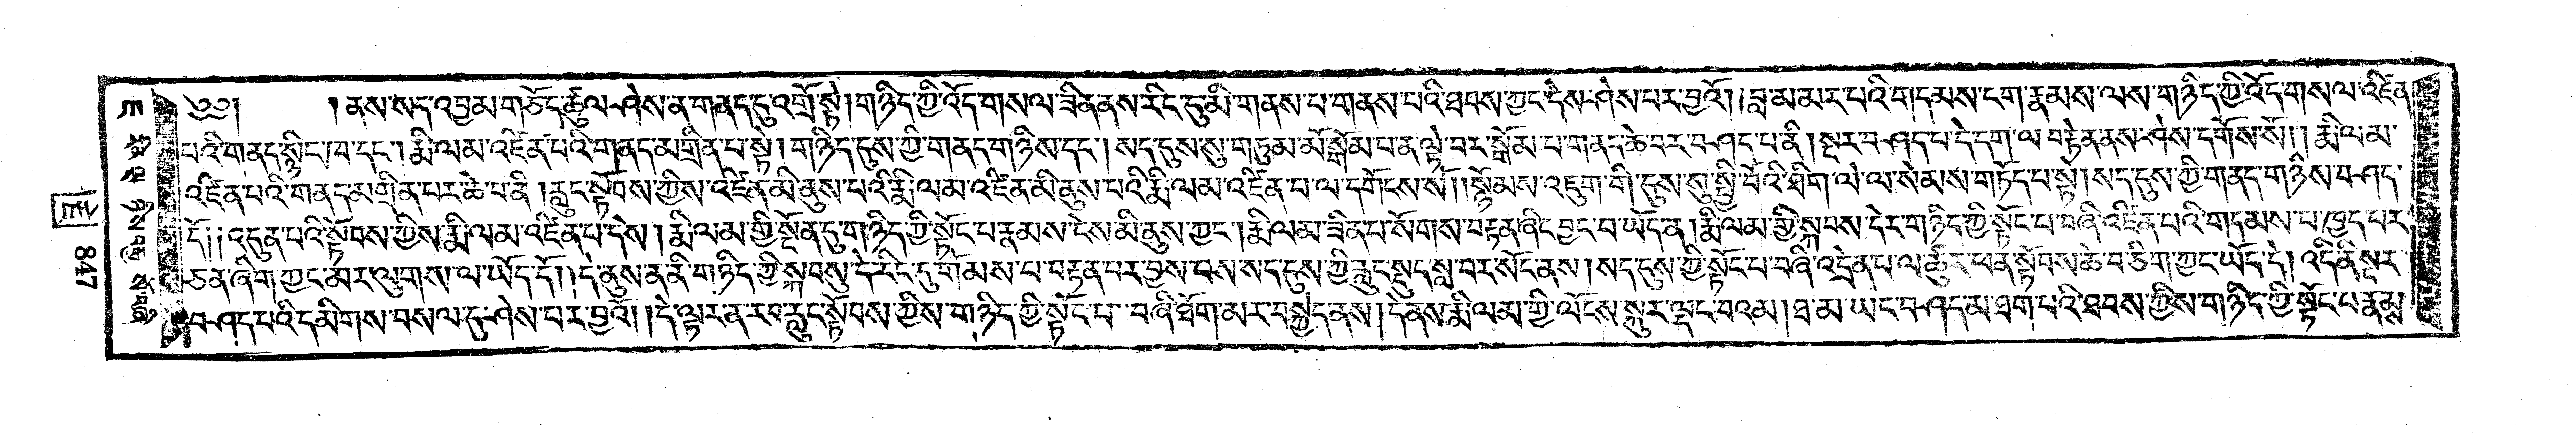༄༅། །ནས་སད་འབྱམ་གཅོད་ཚུལ་ཤེས་ན་གནད་དུ་འགྲོ་སྟེ། གཉིད་ཀྱི་འོད་གསལ་ཟིན་ནས་རིང་དུ་མི་གནས་པ་གནས་པའི་ཐབས་ཀྱང་དེས་ཤེས་པར་བྱའོ། །བླ་མ་མར་པའི་གདམས་ངག་རྣམས་ལས་གཉིད་ཀྱི་འོད་གསལ་འཛིན་
པའི་གནད་སྙིང་ཁ་དང་། རྨི་ལམ་འཛིན་པའི་གནད་མགྲིན་པ་སྟེ། གཉིད་དུས་ཀྱི་གནད་གཉིས་དང་། སད་དུས་སུ་གཏུམ་མོ་སྒོམ་པ་ན་ལྟེ་བར་སྒོམ་པ་གནད་ཆེ་བར་བཤད་པ་ནི། སྔར་བཤད་པ་དེ་དག་ལ་བརྟེན་ནས་ཤེས་དགོས་སོ། །རྨི་ལམ་
འཛིན་པའི་གནད་མགྲིན་པར་ཆེ་བ་ནི། རླུང་སྟོབས་ཀྱིས་འཛིན་མི་ནུས་པའི་རྨི་ལམ་འཛིན་མི་ནུས་པའི་རྨི་ལམ་འཛིན་པ་ལ་དགོངས་སོ། །སྙོམས་འཇུག་གི་དུས་སུ་སྤྱི་བོའི་ཐིག་ལེ་ལ་སེམས་གཏོད་པ་སྟེ། སད་དུས་ཀྱི་གནད་གཉིས་བཤད་
དོ། །འདུན་པའི་སྟོབས་ཀྱིས་རྨི་ལམ་འཛིན་པ་དེས། རྨི་ལམ་གྱི་སྔོན་དུ་གཉིད་ཀྱི་སྟོང་པ་རྣམས་ངེས་མི་ནུས་ཀྱང་། རྨི་ལམ་ཟིན་པ་སོགས་བརྟན་ཞིང་བྱང་བ་ཡོད་ན། རྨི་ལམ་གྱི་སྐབས་དེར་གཉིད་ཀྱི་སྟོང་པ་བཞི་འཛིན་པའི་གདམས་པ་ཁྱད་པར་
ཅན་ཞིག་ཀྱང་མར་ལུགས་ལ་ཡོད་དོ། །དེ་ནུས་ན་ནི་གཉིད་ཀྱི་སྐབས་སུ་དེ་རིང་དུ་གོམས་པ་བརྟན་པར་བྱས་པས་སད་དུས་ཀྱི་རླུང་སྡུད་སླ་པར་སོང་ནས། སད་དུས་ཀྱི་སྟོང་པ་བཞི་འདྲེན་པ་ལ་ཚུར་ཕན་སྟོབས་ཆེ་བ་ཅིག་ཀྱང་ཡོད་དེ། འདི་ནི་སྔར་
བཤད་པའི་དམིགས་བསལ་དུ་ཤེས་པར་བྱའོ། །དེ་ལྟར་ན་རབ་རླུང་སྟོབས་ཀྱིས་གཉིད་ཀྱི་སྟོང་པ་བཞི་ཐོག་མར་བསྐྱེད་ནས། དེ་ནས་རྨི་ལམ་གྱི་ལོངས་སྐུར་ལྡང་བའམ། ཐ་མ་ཡང་བཤད་མ་ཐག་པའི་ཐབས་ཀྱིས་གཉིད་ཀྱི་སྟོང་པ་རྣམས་